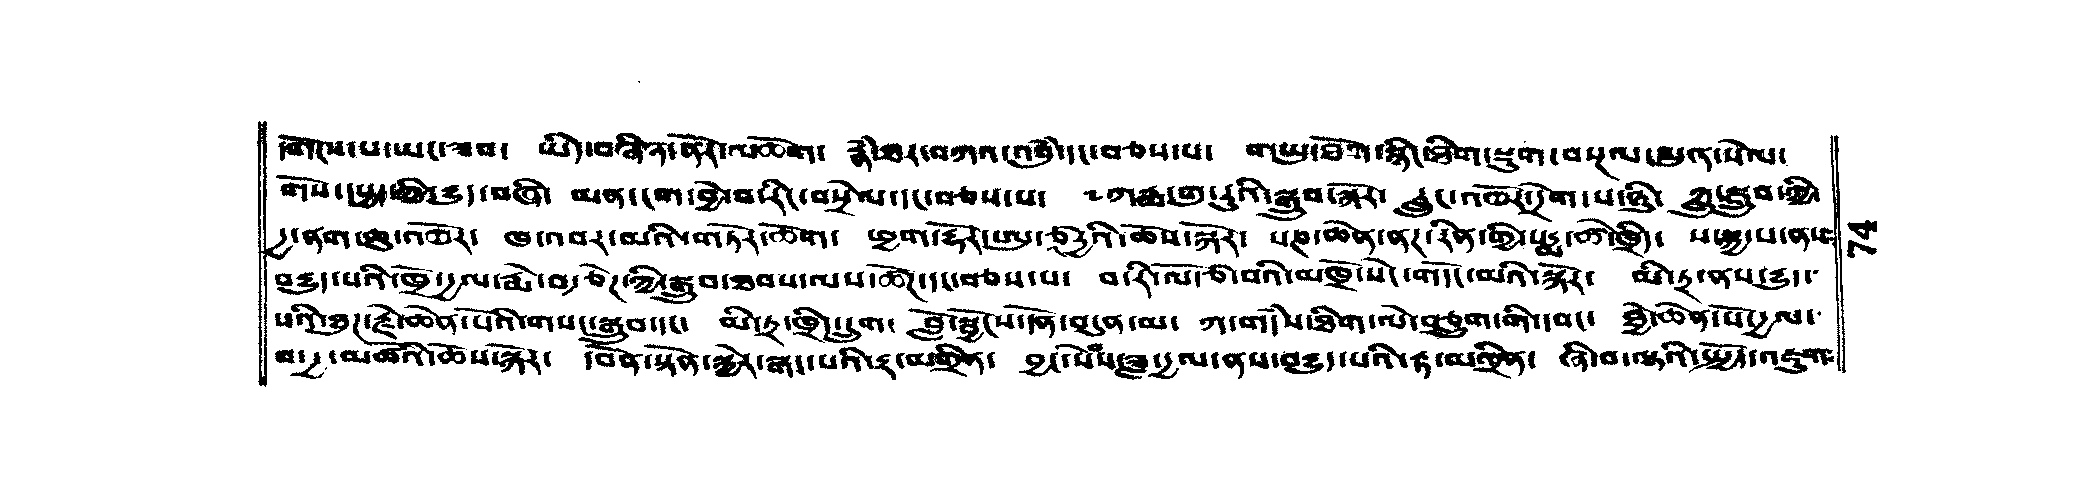དགོངས་པ་ཡང་ཟབ། ཡིད་བཞིན་ནོར་མཆོག རྣམ་ཐར་བཀའ་འབུམ་དང་བཅས་པ། གཡུ་ཐོག་སྙིང་ཐིག་སྡུག་བསྔལ་མུན་སེལ་
གསོ་དཔྱད་ཀྱི་རྒྱུད་བཞི་མན་ངག་བྱེ་བ་རིང་བསྲེལ་དང་བཅས་པ། ཀརྨ་གུ་རུའི་སྒྲུབ་སྐོར། རླུང་འཁོར་དྲེགས་པ་ཉི་ཤུ། ཀླུ་སྒྲུབ་ཀྱི་
རྒྱ་ནག་ཆུ་འཁོར། ཁ་འབར་མའི་གཏོར་ཆོག ཕྱག་རྡོར་ཨུ་ཙཱརྻའི་ཆོས་སྐོར། པཎ་ཆེན་ནགས་རིན་གྱི་པདྨ་ཚེ་ཁྲིད། ས་སྐྱ་པ་ནས་
བརྒྱུད་པའི་ཁྲོ་རྒྱལ་རྨེ་བརྩེགས་ཀྱི་སྒྲུབ་ཐབས་ལས་ཚོགས་དང་བཅས་པ། བ་རི་ལོ་ཙཱ་བའི་མཁའ་འགྲོ་སེང་གདོང་མའི་སྐོར། མི་ཏྲ་ནས་བརྒྱུད་
པའི་ཐུགས་རྗེ་ཆེན་པོའི་གསང་སྒྲུབ་དང་། མི་ཏྲ་ཁྲིད་དྲུག བློ་སྦྱོང་དོན་བདུན་མ། བཀའ་གདམས་ཐིག་ལེ་བཅུ་དྲུག་གི་དབང་། ཐུགས་རྗེ་ཆེན་པོ་རྒྱལ་
བ་རྒྱ་མཚོའི་ཆོས་སྐོར། དབོན་སྟོན་སྐྱེར་སྒང་པའི་རྟ་མགྲིན། བྱང་སེམས་ཟླ་རྒྱལ་ནས་བརྒྱུད་པའི་རྟ་མགྲིན། ཞི་བ་ལྷའི་སྤྱོད་འཇུག